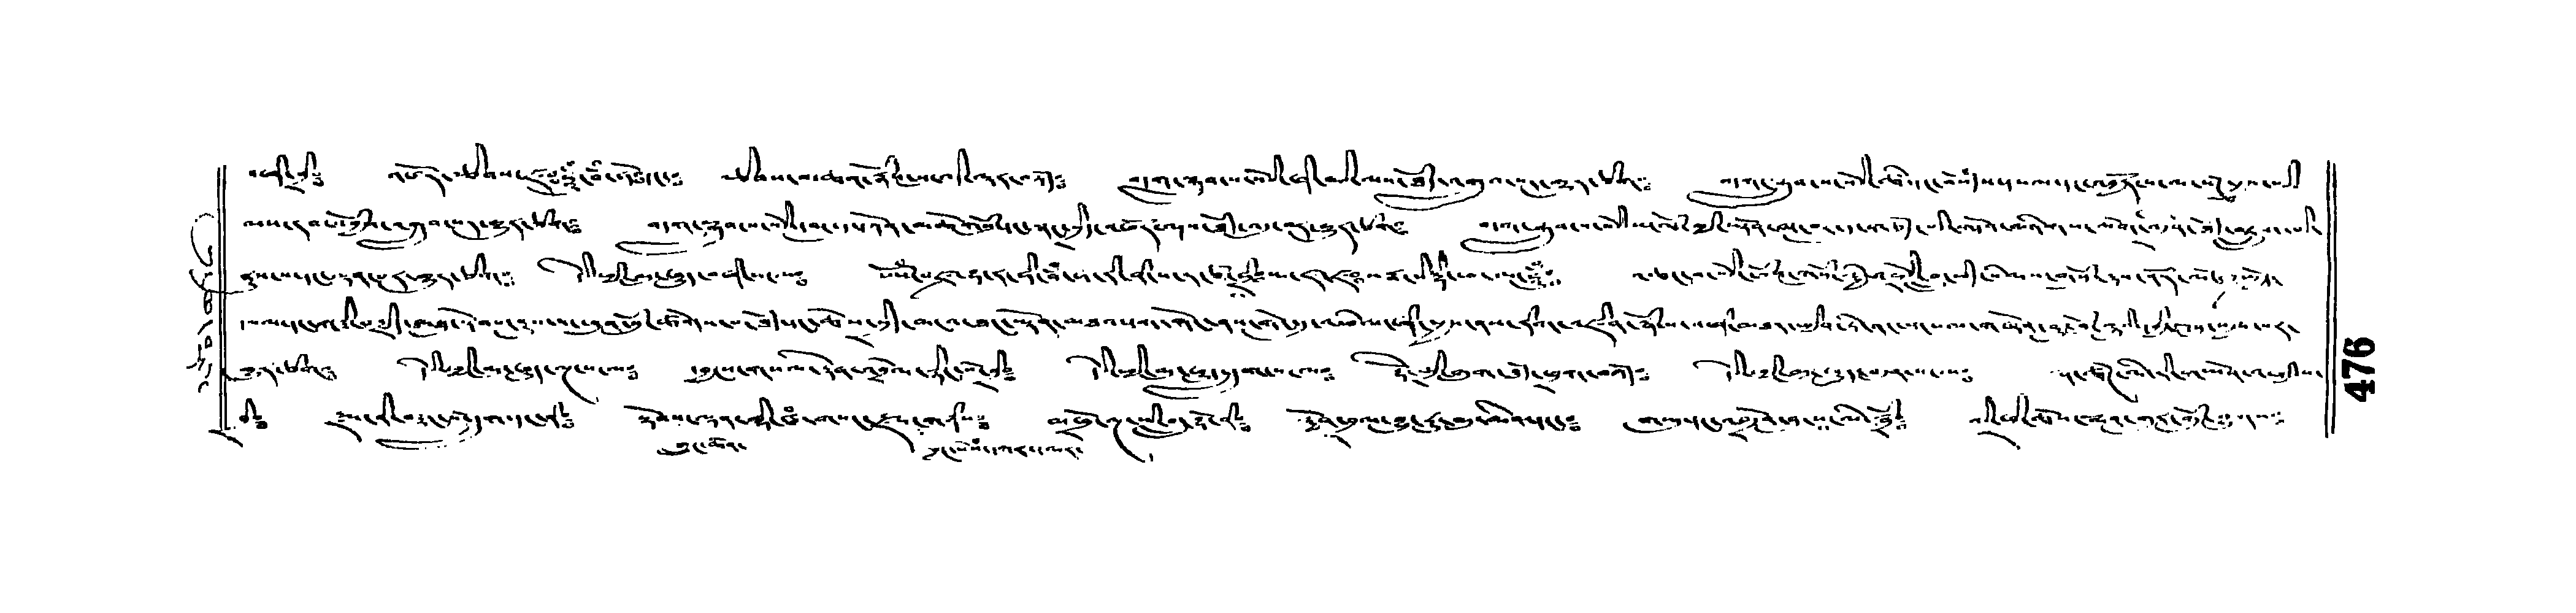བཞི་བྲི༔ འཁོར་རྩིབས་ཛཿཧཱུྃ་བྃ་ཧོཿདང༔ རྩིབས་མཆན་རྣམས་སུ་འདི་ལྟར་བཀོད༔ བདག་སྒྲུབ་པ་པོའི་ཞི་བའི་ལས་ཐམས་ཅད་འགྲུབ་པར་གྱུར་ཅིག༔ བདག་སྒྲུབ་པ་པོའི་ཚེ་དང་བསོད་ནམས་དཔལ་དང་འབྱོར་པ་ལ་སོགས་རྒྱས་པའི་
ལས་རབ་འབྱམས་འགྲུབ་པར་གྱུར་ཅིག༔ བདག་སྒྲུབ་པ་པོའི་དབང་དུ་དཀོན་མཆོག་གསུམ་དང་སྣང་སྲིད་འཁོར་འདས་ཐམས་ཅད་འདུ་བར་གྱུར་ཅིག༔ བདག་སྒྲུབ་པ་པོའི་ས་ལམ་གྱི་ཡོན་ཏན་ལ་བར་དུ་གཅོད་པའི་གདོན་བགེགས་ལོག་འདྲེན་ཐམས་ཅད་བརླག་པའི་
ནུས་པ་དང་ལྡན་པར་གྱུར་ཅིག༔ དེའི་ཕྱི་མུ་ཁྱུད་བཞི་པ་ལ༔ ཨོཾ་བཛྲ་བྷ་ར་ཧི་བྃ་ཧ་རི་ནི་ས་ར་ཙ་ཧྲཱིཿཡ་ཛ་ཛཿསརྦ་སིདྡྷི་ཕ་ལ་ཧཱུྃ༔ འཆང་པ་པོའི་ཁམས་གསུམ་སྐྱེ་འགྲོའི་བླ་ཡིད་སེམས་གསུམ་ཟས་ནོར་ལོངས་སྤྱོད་
དཔལ་དང་གཟི་བརྗིད་མཐུ་སྟོབས་ནུས་པ་ཕུན་སུམ་ཚོགས་པ་ཐམས་ཅད་དང་ཆོས་སྲིད་མངའ་ཐང་ཡོན་ཏན་མཐའ་དག་གོང་ནས་གོང་དུ་འཕེལ་ཞིང་རྒྱས་ནས་རིག་འཛིན་རྣམ་པ་བཞི་མཐར་ཕྱིན་ཏེ་ནང་གསལ་གཞོན་ནུ་བུམ་སྐུའི་དབྱིངས་སུ་སངས་རྒྱས་པར་
གྱུར་ཅིག༔ དེའི་ཕྱི་མུ་ཁྱུད་ལྔ་པ་ལ༔ དབྱངས་གསལ་རྟེན་འབྲེལ་སྙིང་པོ་བྲི༔ དེའི་ཕྱི་མུ་འཁྱུད་དྲུག་པ་ལ༔ རྡོ་རྗེ་གྲི་གུག་ཐོད་ཁྲག་བཀོད༔ དེའི་ཕྱི་མུ་ཁྱུད་བདུན་པ་ལ༔ སྣ་ཚོགས་མེ་རི་གཡོན་འཁྱིལ་
བྲི༔ རྫས་ནི་བཟང་པོ་དྲུག་དང་ནི༔ སྟོབས་ལྡན་གྷི་ཝཾ་གསང་རྫས་གཉིས༔ མཁའ་འགྲོ་ལྔ་ཡི་བླ་རྡོ་ནི༔ སྐྱོན་བྲལ་བྱུ་རུ་མུ་མེན་དང༔ གཡུ་དང་འགྲོན་བུ་སཱ་ལེ་སྦྲམ༔ ལི་ཁྲི་ཆོས་སྨན་གུར་གུམ་བྱུགས༔